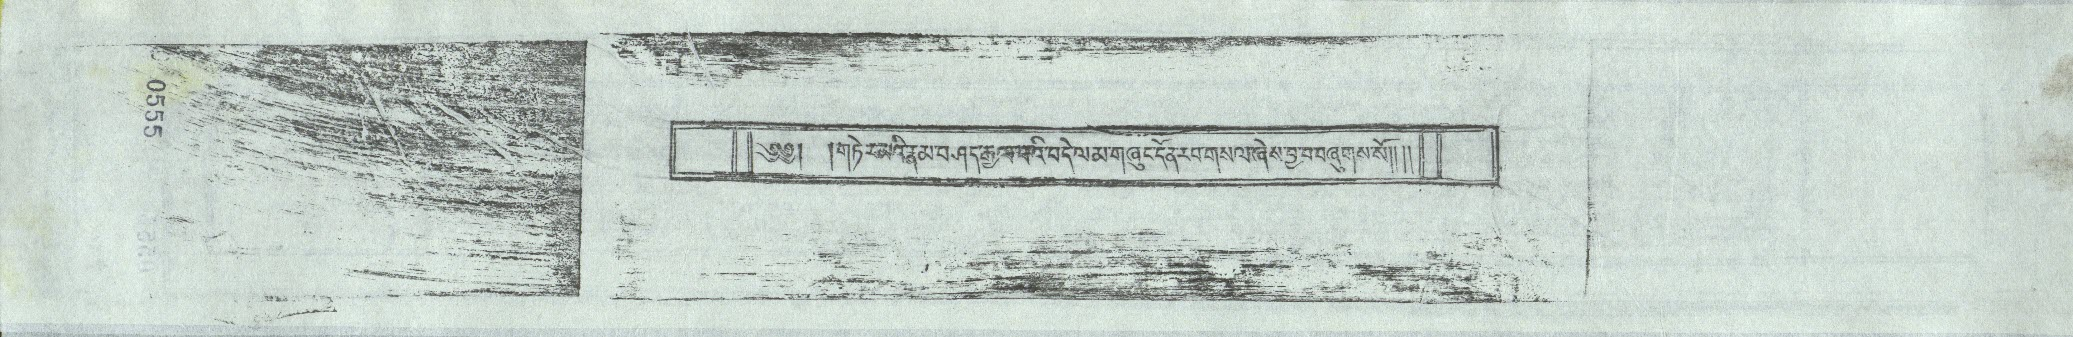༄༅། །གཏོར་མའི་རྣམ་བཤད་རྒྱལ་བའི་བདེ་ལམ་གཞུང་དོན་རབ་གསལ་ཞེས་བྱ་བ་བཞུགས་སོ།། །།